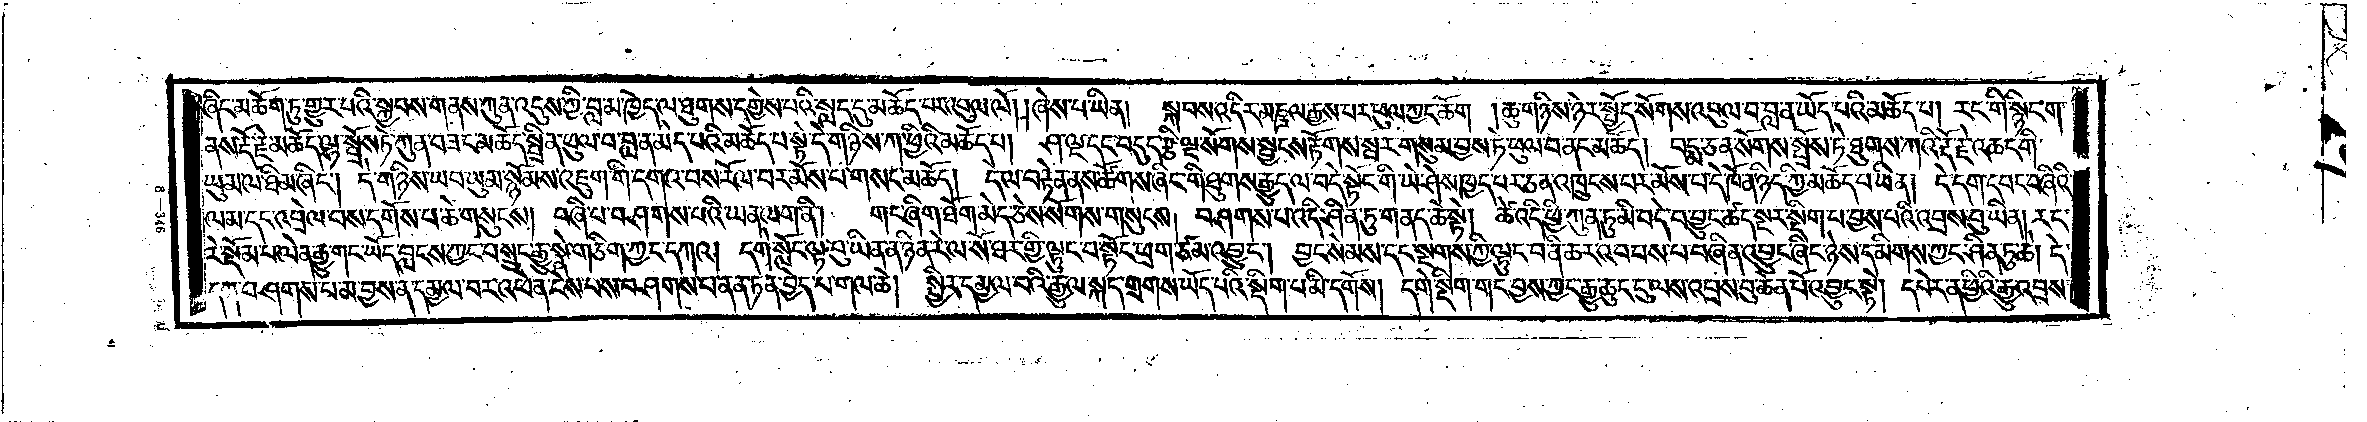ཞིང་མཆོག་ཏུ་གྱུར་པའི་སྐྱབས་གནས་ཀུན་འདུས་ཀྱི་བླ་མ་ཁྱེད་ལ་ཐུགས་དགྱེས་པའི་སླད་དུ་མཆོད་པར་འབུལ་ལོ། །ཞེས་པ་ཡིན། སྐབས་འདིར་མཎྜལ་རྒྱས་པར་ཕུལ་ཀྱང་ཆོག །ཆུ་གཉིས་ཉེར་སྤྱོད་སོགས་འབུལ་བ་བླ་ན་ཡོད་པའི་མཆོད་པ། རང་གི་སྙིང་ག་
ནས་རྡོ་རྗེ་མཆོད་ལྷ་སྤྲོས་ཏེ་ཀུན་བཟང་མཆོད་སྤྲིན་ཕུལ་བ་བླ་ན་མེད་པའི་མཆོད་པ་སྟེ་དེ་གཉིས་ཀ་ཕྱིའི་མཆོད་པ། ཤ་ལྔ་དང་བདུད་རྩི་ལྔ་སོགས་སྦྱངས་རྟོགས་སྦར་གསུམ་བྱས་ཏེ་ཕུལ་བ་ནང་མཆོད། པདམ་ཅན་སོགས་སྤྲོས་ཏེ་ཐུགས་ཀའི་རྡོ་རྗེ་འཆང་གི་
ཡུམ་ལ་ཐིམ་ཞིང་། དེ་གཉིས་ཡབ་ཡུམ་སྙོམས་འཇུག་གི་དགའ་བས་རོལ་བར་མོས་པ་གསང་མཆོད། དེ་ལ་བརྟེན་ནས་ཚོགས་ཞིང་གི་ཐུགས་རྒྱུད་ལ་བདེ་སྟོང་གི་ཡེ་ཤེས་ཁྱད་པར་ཅན་འཁྲུངས་པར་མོས་པ་དེ་ཁོ་ན་ཉིད་ཀྱི་མཆོད་པ་ཡིན། དེ་དག་དབང་བཞིའི་
ལམ་དང་འབྲེལ་བས་དགོས་པ་ཆེ་གསུངས། བཞི་པ་བཤགས་པའི་ཡན་ལག་ནི། གང་ཞིག་ཐོག་མེད་ཅེས་སོགས་གསུངས། བཤགས་པ་འདི་ཤིན་ཏུ་གནད་ཆེ་སྟེ། ཚེ་འདི་ཕྱི་ཀུན་ཏུ་མི་བདེ་བ་བྱུང་ཚད་སྔར་སྡིག་པ་བྱས་པའི་འབྲས་བུ་ཡིན། རང་
རེ་སྡོམ་པ་ལེན་རྒྱུ་གང་ཡོད་བླངས་ཀྱང་བསྲུང་རྒྱུ་སྣེ་གཅིག་ཀྱང་དཀའ། དགེ་སློང་ལྟ་བུ་ཡིན་ན་ཉིན་རེ་ལ་སོ་ཐར་གྱི་ལྟུང་བ་སྟོང་ཕྲག་ཙམ་འབྱུང་། བྱང་སེམས་དང་སྔགས་ཀྱི་ལྟུང་བ་ནི་ཆར་འབབས་པ་བཞིན་འབྱུང་ཞིང་ཉེས་དམིགས་ཀྱང་ཤིན་ཏུ་ཆེ། དེ་
དག་བཤགས་པ་མ་བྱས་ན་དམྱལ་བར་འཕེན་ངེས་པས་བཤགས་པ་ནན་ཏན་བྱེད་པ་གལ་ཆེ། སྤྱིར་དམྱལ་བའི་རྒྱུ་ལ་སྐད་གྲགས་ཡོད་པའི་སྡིག་པ་མི་དགོས། དགེ་སྡིག་གང་བྱས་ཀྱང་རྒྱུ་ཆུང་ངུ་ལས་འབྲས་བུ་ཆེན་པོ་འབྱུང་སྟེ། དཔེར་ན་ཕྱིའི་རྒྱུ་འབྲས་